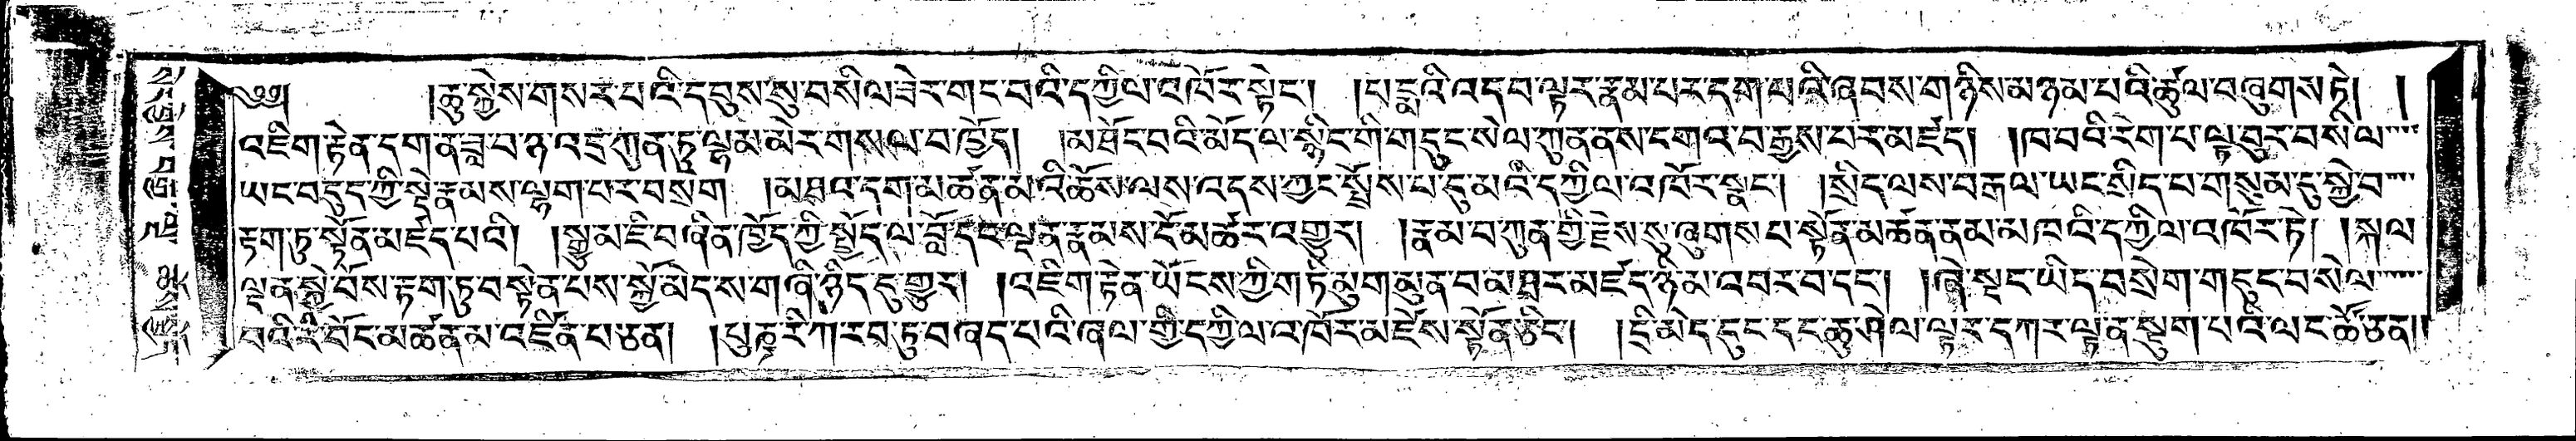༄༅། །ཆུ་སྐྱེས་གསར་པའི་དབུས་སུ་བསིལ་ཟེར་གང་བའི་དཀྱིལ་འཁོར་སྟེང་། །པདམའི་འདབ་ལྟར་རྣམ་པར་དག་པའི་ཞབས་གཉིས་མཉམ་པའི་ཚུལ་བཞུགས་ཏེ། །
འཇིག་རྟེན་དག་ན་ཟླ་བ་ཉ་འདྲ་ཀུན་ཏུ་ལྷམ་མེར་གསལ་བ་ཁྱོད། །མཐོང་བའི་མོད་ལ་སྙིང་གི་གདུང་སེལ་ཀུན་ནས་དགའ་བ་རྒྱས་པར་མཛད། །ཁ་བའི་རེག་པ་ལྟ་བུར་བསིལ་
ཡང་བདུད་ཀྱི་སྡེ་རྣམས་ལྷག་པར་བསྲག །མཐའ་དག་མཚན་མའི་ཆོས་ལས་འདས་ཀྱང་སྤྲོས་པ་དུ་མའི་དཀྱིལ་འཁོར་སྣང་། །སྲིད་ལས་བརྒལ་ཡང་སྲིད་པ་གསུམ་དུ་སྐྱེ་བ་
རྟག་ཏུ་སྟོན་མཛད་པའི། །སྒྱུ་མ་ཇི་བཞིན་ཁྱོད་ཀྱི་སྤྱོད་ལ་བློ་དང་ལྡན་རྣམས་ངོ་མཚར་འགྱུར། །རྣམ་པ་ཀུན་གྱི་རྗེས་སུ་ཞུགས་པ་སྟོན་མཚན་ནམ་མཁའི་དཀྱིལ་འཁོར་ཏེ། །སྐལ་
ལྡན་སྐྱེ་བོས་རྟག་ཏུ་བསྟེན་པས་སྐྱོ་མེད་ས་གཞི་ཉིད་དུ་གྱུར། །འཇིག་རྟེན་ཡོངས་ཀྱི་གཏི་མུག་མུན་བ་མཐར་མཛད་ཉི་མ་འབར་བ་དང་། །ཞེ་སྡང་ཡིད་བསྲེག་གདུང་བ་སེལ་
བའི་རི་བོང་མཚན་མ་འཛིན་པ་ཅན། །པུཎྜ་རི་ཀེ་རབ་ཏུ་བཞད་པའི་ཞལ་གྱི་དཀྱིལ་འཁོར་མཛེས་སྟོན་ཅིང་། །དྲི་མེད་དུང་དང་ཆུ་ཤེལ་ལྟར་དཀར་ལྟ་ན་སྡུག་པའི་ལང་ཚོ་ཅན། །